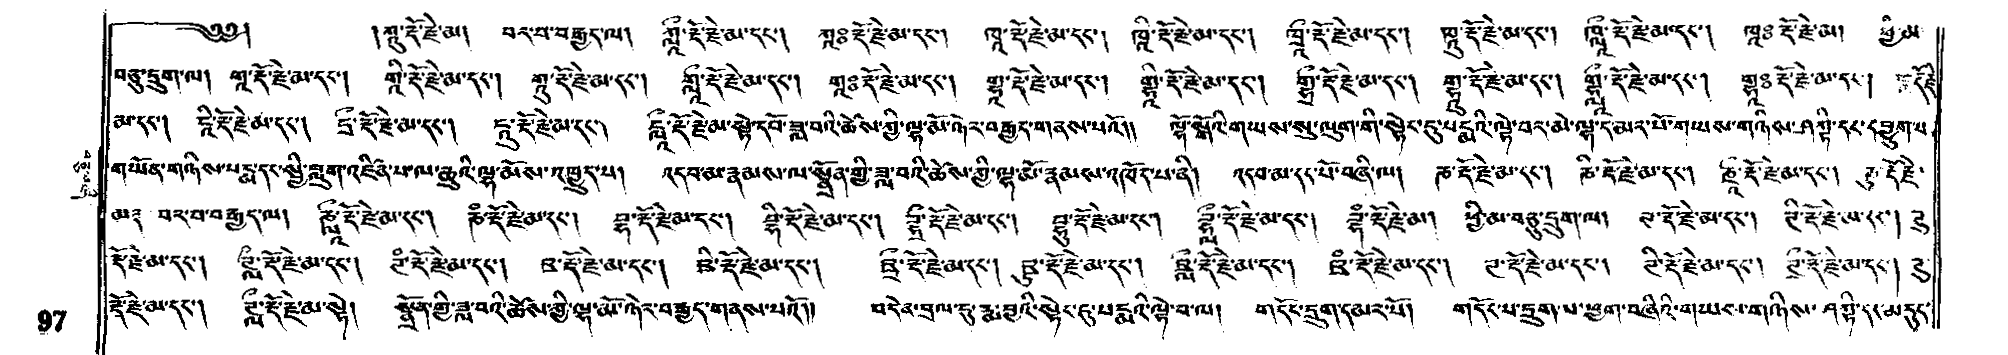༄༅། །ཀཱུ་རྡོ་རྗེ་མ། བར་བ་བརྒྱད་ལ། ཀླཱྀ་རྡོ་རྗེ་མ་དང་། ཀཱཿ རྡོ་རྗེ་མ་དང་། ཁཱ་རྡོ་རྗེ་མ་དང་། ཁཱི་རྡོ་རྗེ་མ་དང་། ཁྲཱི་རྡོ་རྗེ་མ་དང་། ཁཱུ་རྡོ་རྗེ་མ་དང་། ཁླཱྀ་རྡོ་རྗེ་མ་དང་། ཁཱཿ རྡོ་རྗེ་མ་དང་། ཕྱི་མ་
བཅུ་དྲུག་ལ། གཱ་རྡོ་རྗེ་མ་དང་། གཱི་རྡོ་རྗེ་མ་དང་། གཱུ་རྡོ་རྗེ་མ་དང་། གླཱྀ་རྡོ་རྗེ་མ་དང་། གཱཿ རྡོ་རྗེ་མ་དང་། གྷཱ་རྡོ་རྗེ་མ་དང་། གྷཱི་རྡོ་རྗེ་མ་དང་། གྷྲྀ་རྡོ་རྗེ་མ་དང་། གྷཱུ་རྡོ་རྗེ་མ་དང་། གྷླཱྀ་རྡོ་རྗེ་མ་དང་། གྷཱཿ རྡོ་རྗེ་མ་དང་། གཱ་རྡོ་རྗེ་
མ་དང་། ངཱི་རྡོ་རྗེ་མ་དང་། དྲྀ་རྡོ་རྗེ་མ་དང་། ངཱུ་རྡོ་རྗེ་མ་དང་། ངླཱྀ་རྡོ་རྗེ་མ་སྟེ་དབོ་ཟླ་བའི་ཚེས་ཀྱི་ལྷ་མོ་ཉེར་བརྒྱད་གནས་པའོ།། ལྷོ་སྒོའི་གཡས་སུ་ལུག་གི་སྟེང་དུ་པདམའི་ལྟེ་བར་མེ་ལྷ་དམར་པོ་གཡས་གཉིས་ཤཀྟི་དང་དབྱུག་པ་
གཡོན་གཉིས་པདམ་དང་སྤྱི་བླུག་འཛིན་པ་ལ་ཆུའི་ལྷ་མོས་འཁྱུད་པ། འདབ་མ་རྣམས་ལ་སྣྲོན་གྱི་ཟླ་པའི་ཚེས་ཀྱི་ལྷ་མོ་རྣམས་ལ་འཁོད་པ་ནི། འདབ་མ་དང་པོ་བཞི་ལ། ཎ་རྡོ་རྗེ་མ་དང་། ཎི་རྡོ་རྗེ་མ་དང་། ཎྲཱྀ་རྡོ་རྗེ་མ་དང་། ཎུ་རྡོ་རྗེ་
མ༑ བར་བ་བརྒྱད་ལ། ཎླཱྀ་རྡོ་རྗེ་མ་དང་། ཎཾ་རྡོ་རྗེ་མ་དང་། བྷ་རྡོ་རྗེ་མ་དང་། བྷི་རྡོ་རྗེ་མ་དང་། ཌྷྲྀ་རྡོ་རྗེ་མ་དང་། བྷུ་རྡོ་རྗེ་མ་དང་། དྷླྀ་རྡོ་རྗེ་མ་དང་། ཌྷཾ་རྡོ་རྗེ་མ་། ཕྱི་མ་བཅུ་དྲུག་ལ། ཌ་རྡོ་རྗེ་མ་དང་། ཊི་རྡོ་རྗེ་མ་དང་། ཊུ་
རྡོ་རྗེ་མ་དང་། ཊླྀ་རྡོ་རྗེ་མ་དང་། ཊཾ་རྡོ་རྗེ་མ་དང་། ཊཿཨ་རྡོ་རྗེ་མ་དང་། ཊཿཨི་རྡོ་རྗེ་མ་དང་། ཊཿརྀ་རྡོ་རྗེ་མ་དང་། ཊཿཨུ་རྡོ་རྗེ་མ་དང་། ཊཿལྀ་རྡོ་རྗེ་མ་དང་། ཊཿཨཾ་རྡོ་རྗེ་མ་དང་། ཊ་རྡོ་རྗེ་མ་དང་། ཊ་རྡོ་རྗེ་མ་དང་། ཊྲྀ་རྡོ་རྗེ་མ་དང་། ཊུ་
རྡོ་རྗེ་མ་དང་། ཊླྀ་རྡོ་རྗེ་མ་སྟེ། སྣྲོན་གྱི་ཟླ་བའི་ཚེས་ཀྱི་ལྷ་མོ་ཉེར་བརྒྱད་གནས་པའོ།། བདེན་བྲལ་དུ་རྨ་བྱའི་སྟེང་དུ་པདམའི་ལྟེ་བ་ལ། གདོང་དྲུག་དམར་པོ། གདོང་པ་དྲུག་པ་ཕྱག་བཞིའི་གཡས་གཉིས་ཤཀྟི་དང་མདུང་